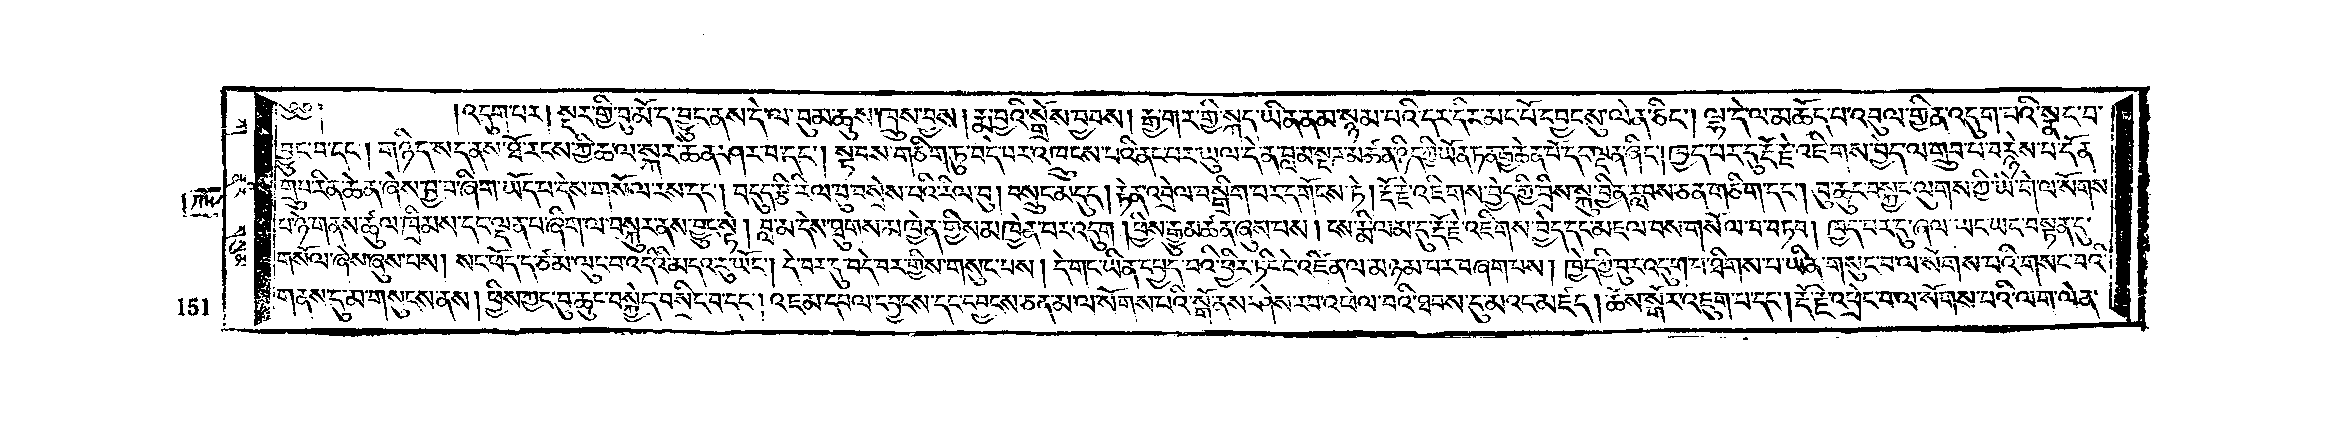༄༅། །འདུག་པར། སྔར་གྱི་བུ་མོ་ད་བྱུང་ནས་དེ་ལ་བུམ་ཆུས་ཁྲུས་བྱས། རྨ་བྱའི་སྒྲོས་བྱབས། རྒྱ་གར་གྱི་སྐད་ཡིན་ནམ་སྙམ་པའི་དར་དིར་མང་པོ་དབྱངས་སུ་ལེན་ཅིང་། ལྷ་དེ་ལ་མཆོད་པ་འབུལ་གྱིན་འདུག་པའི་སྣང་བ་
བྱུང་བ་དང་། གཉིད་སད་ནས་ཐོ་རངས་ཀྱི་ཆ་ལ་སྐར་ཆེན་ཤར་བ་དང་། སྟབས་གཅིག་ཏུ་བདེ་བར་འཁྲུངས་པའི་ནང་པར་ཡུལ་དེ་ན་བླ་མ་སྔགས་མཚན་ཉིད་ཀྱི་ཡོན་ཏན་རྒྱ་ཆེན་པོ་དང་ལྡན་ཞིང་། ཁྱད་པར་དུ་རྡོ་རྗེ་འཇིགས་བྱེད་ལ་གྲུབ་པ་བརྙེས་པ་དོན་
གྲུབ་རིན་ཆེན་ཞེས་བྱ་བ་ཞིག་ཡོད་པ་དེས་གསོལ་རས་དང་། བདུད་རྩི་རིལ་བུ་བསྲེས་པའི་རིལ་བུ། བསྲུང་མདུད། རྟེན་འབྲེལ་བསྒྲིག་པར་དགོངས་ཏེ། རྡོ་རྗེ་འཇིགས་བྱེད་ཀྱི་བྲིས་སྐུ་བྱིན་རླབས་ཅན་གཅིག་དང་། བུ་ཆུང་བསྐྱང་ལུགས་ཀྱི་ཡི་གེ་ལ་སོགས་
པ་ཉེ་གནས་ཚུལ་ཁྲིམས་དང་ལྡན་པ་ཞིག་ལ་བསྐུར་ནས་བྱུང་སྟེ། བླ་མ་དེས་ཐུགས་མཁྱེན་གྱིས་མཁྱེན་པར་འདུག །ཕྱིས་རྒྱུ་མཚན་ཞུས་པས། ངས་རྨི་ལམ་དུ་རྡོ་རྗེ་འཇིགས་བྱེད་དང་མཇལ་བས་གསོལ་བ་བཏབ། ཁྱད་པར་དུ་ཞལ་ཡང་ཡང་བསྟན་དུ་
གསོལ་ཞེས་ཞུས་པས། སང་ཕོད་ད་ཙམ་ལུང་པ་འདིའི་མདའ་རུ་ཡོད། དེ་བར་དུ་བདེ་བར་གྱིས་གསུང་པས། དེ་གང་ཡིན་དཔྱད་པའི་ཕྱིར་ཏིང་ངེ་འཛིན་ལ་མཉམ་པར་བཞག་པས། ཁྱེད་ཀྱི་བུར་འདུག་པ་ཐིགས་པ་ཡིན་གསུང་བ་ལ་སོགས་པའི་གསང་བའི་
གནས་དུ་མ་གསུངས་ནས། ཕྱིས་ཀྱང་བུ་ཆུང་བསྐྱེད་བསྲིང་བ་དང་། འཇམ་དཔལ་དབྱངས་དང་དབྱངས་ཅན་མ་ལ་སོགས་པའི་སྒོ་ནས་ཤེས་རབ་འཕེལ་བའི་ཐབས་དུ་མའང་མཛད། ཆོས་སྒོར་འཇུག་པ་དང་། རྡོ་རྗེ་འཕྲེང་བ་ལ་སོགས་པའི་ལག་ལེན་